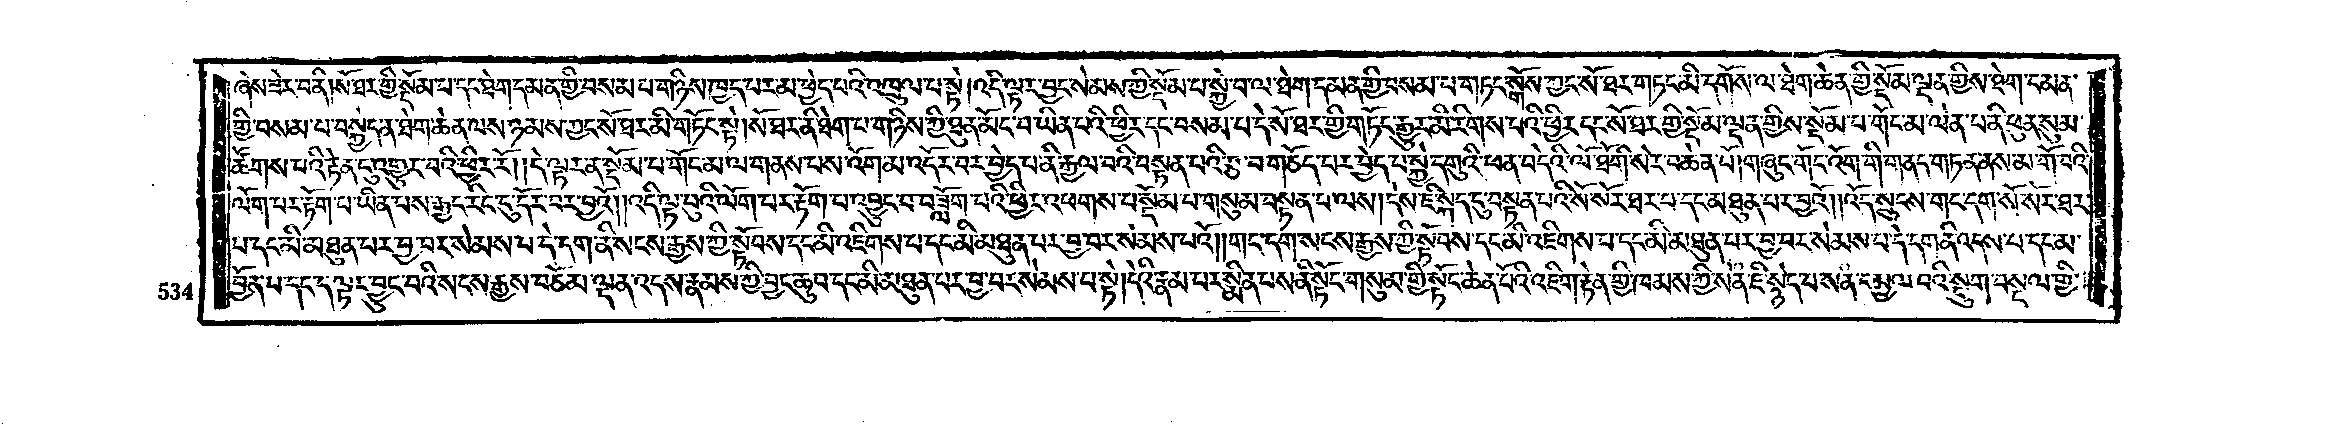ཞེས་ཟེར་བ་ནི། སོ་ཐར་གྱི་སྡོམ་པ་དང་ཐེག་དམན་གྱི་བསམ་པ་གཉིས་ཁྱད་པར་མ་ཕྱེད་པའི་འཁྲུལ་པ་སྟེ། འདི་ལྟར་བྱང་སེམས་ཀྱི་སྡོམ་པ་སྐྱེ་བ་ལ་ཐེག་དམན་གྱི་བསམ་པ་གཏང་སྒོས་ཀྱང་སོ་ཐར་གཏང་མི་དགོས་ལ་ཐེག་ཆེན་གྱི་སྡོམ་ལྡན་གྱིས་ཐེག་དམན་
གྱི་བསམ་པ་བསྐྱེད་ན་ཐེག་ཆེན་ལས་ཉམས་ཀྱང་སོ་ཐར་མི་གཏོང་སྟེ། སོ་ཐར་ནི་ཐེག་པ་གཉིས་ཀྱི་ཐུན་མོང་བ་ཡིན་པའི་ཕྱིར་དང་བསམ་པ་དེ་སོ་ཐར་གྱི་གཏོང་རྒྱུར་མི་རིགས་པའི་ཕྱིར་དང་སོ་ཐར་གྱི་སྡོམ་ལྡན་གྱིས་སྡོམ་པ་གོང་མ་ལེན་པ་ནི་ཕུན་སུམ་
ཚོགས་པའི་རྟེན་དུ་འགྱུར་བའི་ཕྱིར་རོ། །དེ་ལྟར་ན་སྡོམ་པ་གོང་མ་ལ་གནས་པས་འོག་མ་འདོར་བར་བྱེད་པ་ནི་རྒྱལ་བའི་བསྟན་པའི་རྩ་བ་གཅོད་པར་བྱེད་པ་སྐྱེ་དགུའི་ཕན་བདེའི་ལོ་ཐོག་གི་སེར་བ་ཆེན་པོ། གཞུང་གོང་འོག་གི་གནད་གཏན་ནས་མ་གོ་བའི་
ལོག་པར་རྟོག་པ་ཡིན་པས་རྒྱང་རིང་དུ་དོར་བར་བྱའོ། །འདི་ལྟ་བུའི་ལོག་པར་རྟོག་པ་འབྱུང་བ་བཟློག་པའི་ཕྱིར་འཕགས་པ་སྡོམ་པ་གསུམ་བསྟན་པ་ལས། དེས་ཇི་སྐད་དུ་བསྟན་པའི་སོ་སོར་ཐར་པ་དང་མཐུན་པར་བྱའོ། །འོད་སྲུངས་གང་དག་སོ་སོར་ཐར་
པ་དང་མི་མཐུན་པར་བྱ་བར་སེམས་པ་དེ་དག་ནི་སངས་རྒྱས་ཀྱི་སྟོབས་དང་མི་འཇིགས་པ་དང་མི་མཐུན་པར་བྱ་བར་སེམས་པའོ། །གང་དག་སངས་རྒྱས་ཀྱི་སྟོབས་དང་མི་འཇིགས་པ་དང་མི་མཐུན་པར་བྱ་བར་སེམས་པ་དེ་དག་ནི་འདས་པ་དང་མ་
བྱོན་པ་དང་ད་ལྟར་བྱུང་བའི་སངས་རྒྱས་བཅོམ་ལྡན་འདས་རྣམས་ཀྱི་བྱང་ཆུབ་དང་མི་མཐུན་པར་བྱ་བར་སེམས་པ་སྟེ། དེའི་རྣམ་པར་སྨིན་པས་ནི་སྟོང་གསུམ་གྱི་སྟོང་ཆེན་པོའི་འཇིག་རྟེན་གྱི་ཁམས་ཀྱི་ས་ནི་ཇི་སྙེད་པས་ནཾ་དམྱལ་བའི་སྡུག་བསྔལ་གྱི་